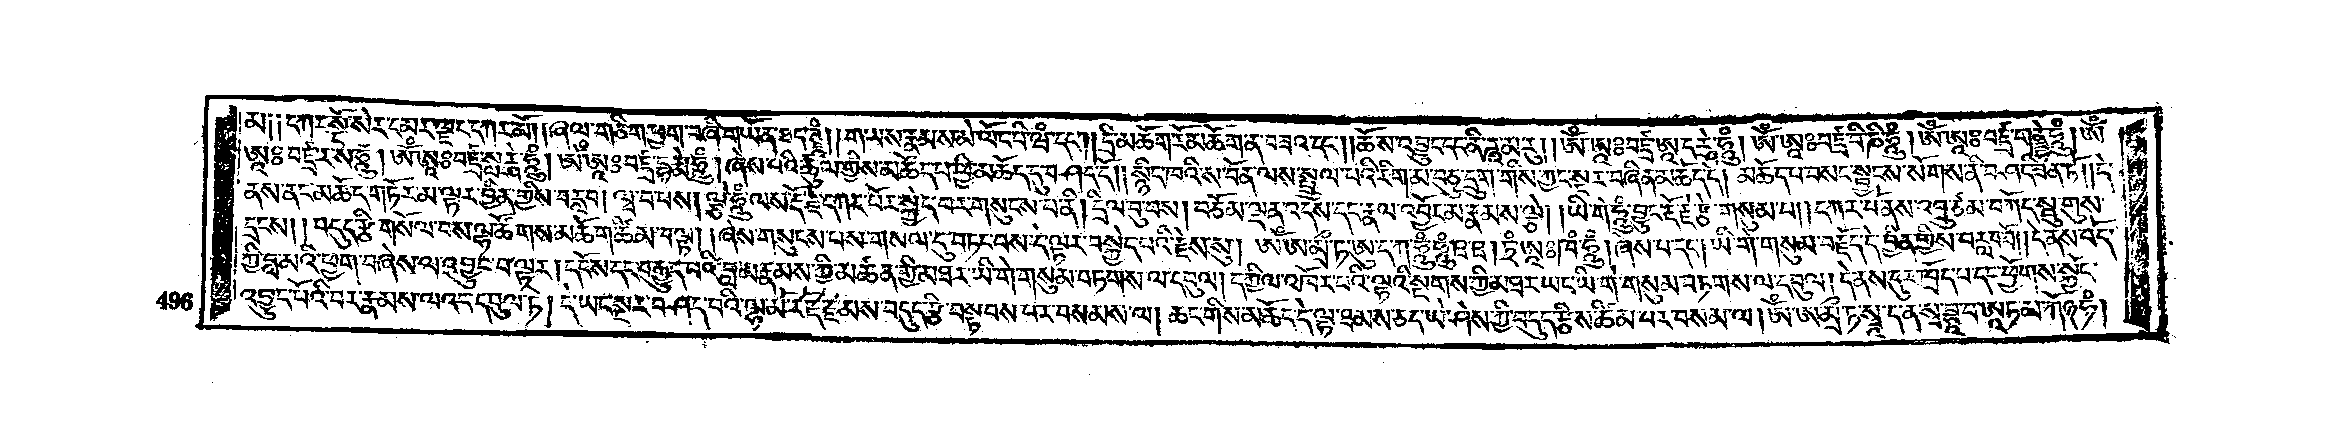མ། །དཀར་སྒྲོ་སེར་དམར་ལྗང་དཀར་མོ། །ཞལ་གཅིག་ཕྱག་བཞི་གཡོན་ཐོད་ཊརའཾ། །གཡས་རྣམས་མེ་ལོང་པི་ཝཾ་དང་། །དྲི་མཆོག་རོ་མཆོག་ན་བཟའ་དང་། །ཆོས་འབྱུང་དང་ནི་ཌཱ་མ་རུ། །ཨོཾ་ཨཱཿ བཛྲ་ཨཱ་དརྴེ་ཧཱུཾ། ཨོཾ་ཨཱཿ བཛྲ་བི་ཎི་ཧཱུཾ། ཨོཾ་ཨཱཿ བཛྲ་གནྡྷེ་ཧཱུཾ། ཨོཾ་
ཨཱཿ བཛྲ་ར་སེ་ཧཱུཾ། ཨོཾ་ཨཱཿ བཛྲ་སྤརྴེ་ཧཱུཾ། ཨོཾ་ཨཱཿ བཛྲ་དྷརྨེ་ཧཱུཾ། ཞེས་པའི་ཚུལ་གྱིས་མཆོད་པ་ཕྱི་མཆོད་དུ་བཤད་དོ། །སྙིང་ཁའི་ས་བོན་ལས་སྤྲུལ་པའི་རིག་མ་བཅུ་དྲུག་གིས་ཀྱང་སྔར་བཞིན་མཆོད་དེ། མཆོད་པ་བསང་སྦྱངས་སོགས་ནི་བཤད་ཟིན་ཏོ། །དེ་
ནས་ནང་མཆོད་གཏོར་མ་ལྟར་བྱིན་གྱིས་བརླབ། ལྭ་བ་པས། ལྕེ་ཧཱུཾ་ལས་རྡོ་རྗེ་དཀར་པོར་སྐྱེད་པར་གསུངས་པ་ནི། དྲིལ་བུ་པས། བཅོམ་ལྡན་འདས་དང་རྣལ་འབྱོར་མ་རྣམས་ལྕེ། །ཡི་གེ་ཧཱུཾ་བྱུང་རྡོ་རྗེ་རྩེ་གསུམ་པ། །དཀར་པོ་ནས་འབྲུ་ཙམ་བཀོད་སྦུ་གུས་
དྲངས། །བདུད་རྩི་གསོལ་བས་ལྷ་ཚོགས་མཆོག་ཚིམ་བལྟ། །ཞེས་གསུངས་པས་གསལ་དུ་བཏང་བས་དེ་ལྟར་བསྐྱེད་པའི་རྗེས་སུ། ཨོཾ་ཨ་མྲྀ་ཏ་ཨུ་ད་ཀ་ཧཱུཾ་ཧཱུཾ་ཊཿཨ་ཊཿཨ། ཏྲཾ་ཨཱཿ ཁཾ་ཧཱུཾ། ཞེས་པ་དང་། ཡི་གེ་གསུམ་བརྗོད་དེ་བྱིན་གྱིས་བརླབ་བོ། །དེ་ནས་བོད་
ཀྱི་བླ་མའི་ཕྱག་བཞེས་ལ་འབྱུང་བ་ལྟར། དངོས་དང་བརྒྱུད་པའི་བླ་མ་རྣམས་ཀྱི་མཚན་གྱི་མཐར་ཡི་གེ་གསུམ་བཏགས་ལ་དབུལ། དཀྱིལ་འཁོར་པའི་ལྷའི་སྔགས་ཀྱི་མཐར་ཡང་ཡི་གེ་གསུམ་བཏགས་ལ་དབུལ། དེ་ནས་དུར་ཁྲོད་པ་དང་ཕྱོགས་སྐྱོང་
འབྱུང་པོའི་བར་རྣམས་ལའང་དབུལ་ཏེ། དེ་ཡང་སྔར་བཤད་པའི་ལྷ་མོ་རོ་རྡོ་རྗེ་མས་བདུད་རྩི་བསྟབས་པར་བསམས་ལ། ཆང་གིས་མཆོད་དེ་ལྷ་ཐམས་ཅད་ཡེ་ཤེས་ཀྱི་བདུད་རྩིས་ཚིམ་པར་བསམ་ལ། ཨོཾ་ཨ་མྲྀ་ཏ་སྭཱ་ད་ན་སྭ་བྷཱ་བ་ཨཱཏ་མ་ཀོཉཧཾ།